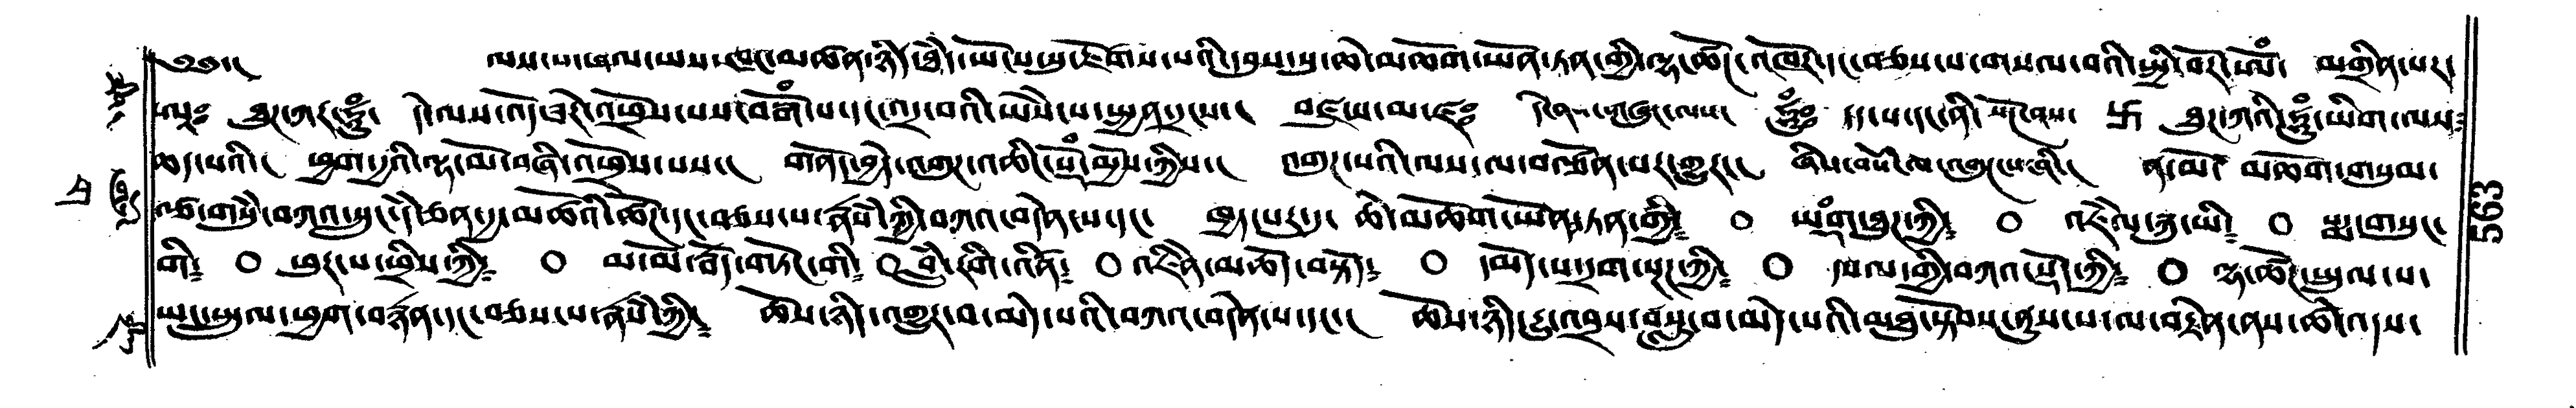ལས་གཞལ་ཡས་ཁང་མཚན་ཉིད་ཐམས་ཅད་ཡོངས་སུ་རྫོགས་པའི་དབུས་སུ་ཆེ་མཆོག་ཡོན་ཏན་གྱི་ལྷ་ཚོགས་འཁོར་དང་བཅས་པ་གསལ་བའི་སྤྱི་བོར་ཨོཾ། མགྲིན་པར་
ཨཱཿ ཐུགས་དཀར་ཧཱུཾ། དེ་ལས་འོད་ཟེར་འཕྲོས་པས་བསྒོམ་པ་དང་འདྲ་བའི་ཡེ་ཤེས་པ་སྤྱན་དྲངས། བཛྲ་ས་མ་ཛ། དེ་ནས་གཞུང་ལས། ཧཱུྃ། དད་པ་དང་ནི༴ སོགས་ནས། ཐུགས་ཀའི་ཧཱུྃ་ཡིག་ལས་
ཆད་པའི། །ཕྱག་རྒྱའི་ལྷ་མོ་བཞི་འཕྲོས་པས། །གནོད་བྱེད་འགུགས་འཆིང་སྡོམ་མྱོས་ཀྱིས། །འགུགས་པའི་ལས་ལ་བརྩོན་པར་གྱུར། ཞེས་བསམ་ལ་འགུགས་པ་ནི། ན་མོ། མཆོག་གསུམ་
རྩ་གསུམ་བཀའ་སྲུང་དམ་ཅན་རྒྱ་མཚོའི་ཚོགས་དང་བཅས་པ་རྣམས་ཀྱི་བཀའ་བདེན་པ་དང་། ཁྱད་པར་དུ་ཆེ་མཆོག་ཡོན་ཏན་གྱི༴ ཡང་དག་ཐུགས་ཀྱི༴ འཇམ་དཔལ་སྐུ་ཡི༴ པདྨ་གསུང་
གི༴ ཕུར་པ་ཕྲིན་ལས་ཀྱི༴ མ་མོ་རྦོད་གཏོང་གི༴ བླ་མ་རིག་འཛིན༴ འཇིག་རྟེན་མཆོད་བསྟོད༴ དམོད་པ་དྲག་སྔགས་ཀྱི༴ དཔལ་གྱི་བཀའ་སྡོད་ཀྱི༴ ལྷ་ཚོགས་སྤྲུལ་པ་
ཡང་སྤྲུལ་ཕྱག་བརྙན་དང་བཅས་པ་རྣམས་ཀྱི༴ ཆོས་ཉིད་འགྱུར་བ་མེད་པའི་བཀའ་བདེན་པ་དང་། ཆོས་ཅན་རྒྱུ་འབྲས་བསླུ་བ་མེད་པའི་མཐུ་སྟོབས་ནུས་པ་ལ་བརྟེན་ནས་ཚེ་འདས་༼